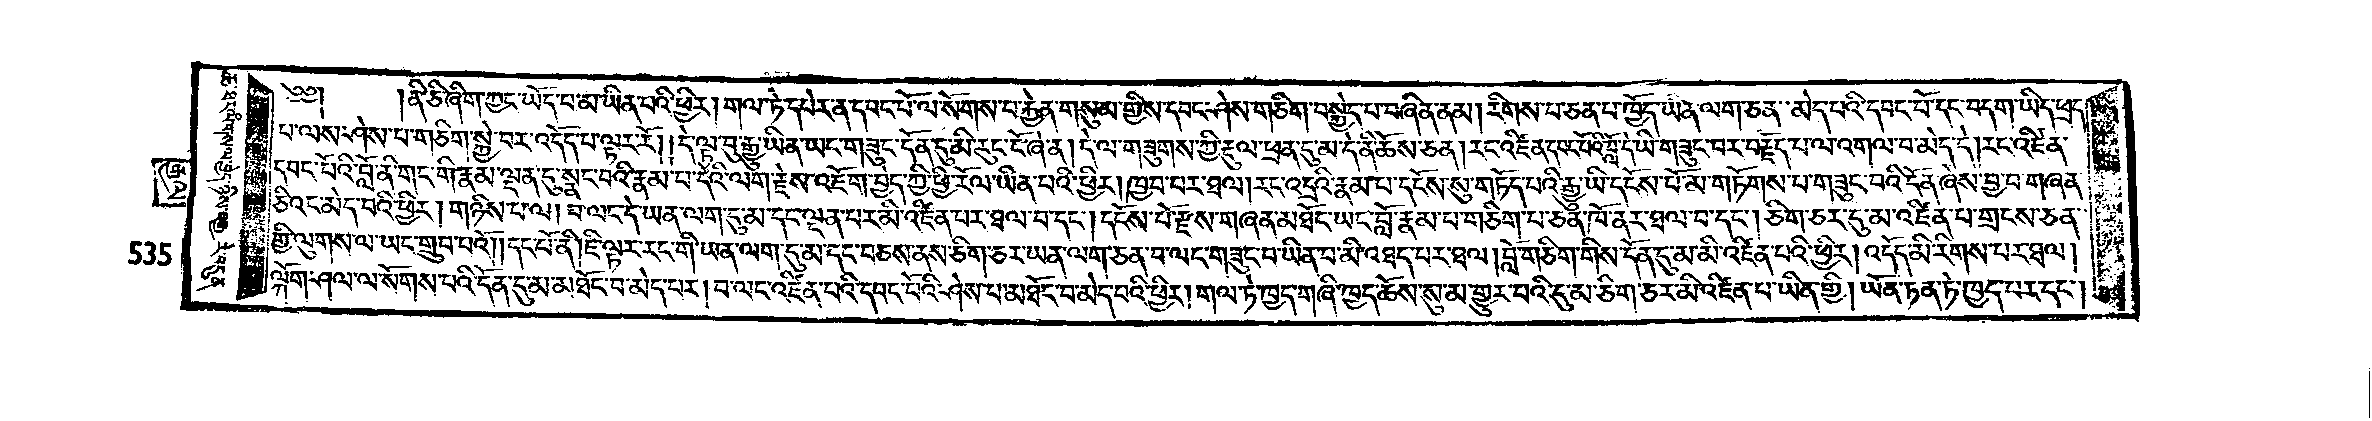༄༅། །ནི་ཅི་ཞིག་ཀྱང་ཡོད་པ་མ་ཡིན་པའི་ཕྱིར། གལ་ཏེ་དཔེར་ན་དབང་པོ་ལ་སོགས་པ་རྐྱེན་གསུམ་གྱིས་དབང་ཤེས་གཅིག་བསྐྱེད་པ་བཞིན་ནམ། རིགས་པ་ཅན་པ་ཁྱོད་ཡིན་ལག་ཅན་མེད་པའི་དབང་པོ་དང་བདག་ཡིད་ཕྲད་
པ་ལས་ཤེས་པ་གཅིག་སྐྱེ་བར་འདོད་པ་ལྟར་རོ། །དེ་ལྟ་བུ་རྒྱུ་ཡིན་ཡང་གཟུང་དོན་དུ་མི་རུང་ངོ་ཞེ་ན། དེ་ལ་གཟུགས་ཀྱི་རྡུལ་ཕྲན་དུ་མ་དེ་ནི་ཆོས་ཅན། རང་འཛིན་དབང་པོའི་བློ་དེ་ཡི་གཟུང་བར་བརྗོད་པ་ལ་འགལ་བ་མེད་དེ། རང་འཛིན་
དབང་པོའི་བློ་ནི་གང་གི་རྣམ་ལྡན་དུ་སྣང་བའི་རྣམ་པ་དེའི་ལག་རྗེས་འཇོག་བྱེད་ཀྱི་ཕྱི་རོལ་ཡིན་པའི་ཕྱིར། ཁྱབ་པར་ཐལ། རང་འདྲའི་རྣམ་པ་དངོས་སུ་གཏོད་པའི་རྒྱུ་ཡི་དངོས་པོ་མ་གཏོགས་པ་གཟུང་བའི་དོན་ཞེས་བྱ་བ་གཞན་
ཅིའང་མེད་པའི་ཕྱིར། གཉིས་པ་ལ། བ་ལང་དེ་ཡན་ལག་དུ་མ་དང་ལྡན་པར་མི་འཛིན་པར་ཐལ་བ་དང་། དངོས་པོ་རྫས་གཞན་མཐོང་ཡང་བློ་རྣམ་པ་གཅིག་པ་ཅན་ཁོ་ནར་ཐལ་བ་དང་། ཅིག་ཅར་དུ་མ་འཛིན་པ་གྲངས་ཅན་
གྱི་ལུགས་ལ་ཡང་གྲུབ་པའོ། །དང་པོ་ནི། ཇི་ལྟར་རང་གི་ཡན་ལག་དུ་མ་དང་བཅས་ནས་ཅིག་ཅར་ཡན་ལག་ཅན་བ་ལང་གཟུང་བ་ཡིན་པ་མི་འཐད་པར་ཐལ། བློ་གཅིག་གིས་དོན་དུ་མ་མི་འཛིན་པའི་ཕྱིར། འདོད་མི་རིགས་པར་ཐལ།
ལྐོག་ཤལ་ལ་སོགས་པའི་དོན་དུ་མ་མཐོང་བ་མེད་པར། བ་ལང་འཛིན་པའི་དབང་པོའི་ཤེས་པ་མཐོང་བ་མེད་པའི་ཕྱིར། གལ་ཏེ་ཁྱད་གཞི་ཁྱད་ཆོས་སུ་མ་གྱུར་བའི་དུ་མ་ཅིག་ཅར་མི་འཛིན་པ་ཡིན་གྱི། ཡོན་ཏན་ཏེ་ཁྱད་པར་དང་།